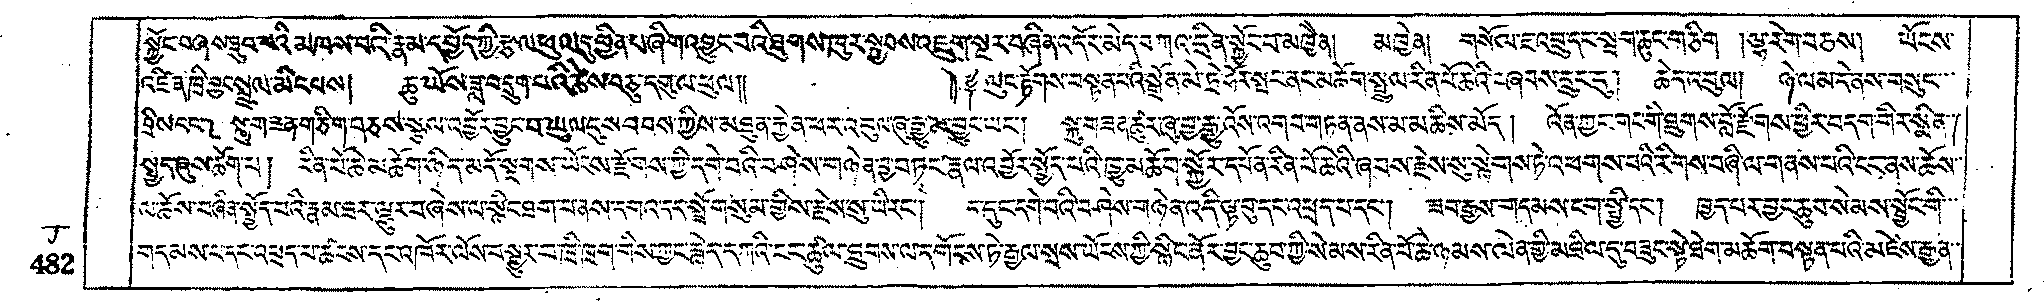སྐྱོན་བཞས་ཐུབ་པའི་མཁས་བའི་རྣམ་དཔྱོད་ཀྱི་རྩལ་ཕུལ་དུ་ཕྱིན་པ་ཞིག་འབྱུང་བའི་ཐུགས་ཁུར་སྐྱབས་འཇུག་སྔར་བཞིན་འདོར་མེད་བཀའ་དྲིན་སྐྱོན་བ་མཁྱཻན། མཁྱེན། གསོལ་ཇ་འབྲུ་དང་སྦག་ཆུང་གཅིག །ལྷ་རེག་བཅས། ཡོངས་
འཛིན་ཁྲི་བྱང་སྤྲུལ་མིང་པས། ཆུ་ཡོས་ཟླ་བ་དྲུག་པའི་ཚེས་བཅུ་དགུ་ལ་ཕུལ།། །།འ་ལུང་རྟོགས་བསྟན་པའི་སྒྲོན་མེ་ཏྲེ་ཧོར་སྤང་ནང་མཆོག་སྤྲུལ་རིན་པོ་ཆེའི ༧ཞབས་དྲུང་དུ། ཆེད་འབུལ། ཉེ་ལམ་དེ་ནས་གསུང་་་
བྲིས་དང་། སྐུ་གཟང་གཅིག་བཅས་སྩལ་འབྱོར་བྱུང་བ་ཡུལ་དུས་བབས་ཀྱིས་མཐུན་རྐྱེན་ཕར་འབུལ་ཞུ་རྒྱུ་མ་བྱུང་ཡང་། སྐུ་གཟང་ཚུར་ཞུ་བྱ་རྒྱུ་འོས་འགབ་གཏན་ནས་མ་མཆིས་མོད། འོན་ཀྱང་གང་གི་ཐུགས་བློ་རྫོགས་ཕྱིར་བདག་གིར་སྨིན་་་
སྤྱད་ཞུས་ཆོག་པ། རིང་པོ་ཆེ་མཆོག་ཉིད་མདོ་སྔགས་ཡོངས་རྫོགས་ཀྱི་དགེ་བའི་བཤེས་གཉེན་བྱ་བཏང་རྣལ་འབྱོར་སྤྱོད་པའི་ཁྱུ་མཆོག་སྐྱོར་དཔོན་རིན་པོ་ཆེའི་ཞབས་རྗེས་སུ་སྙེགས་ཏེ་འཕགས་པའི་རིགས་བཞི་ལ་གནས་པའི་ངང་ནས་ཆོས་་་
ལ་ཆོས་བཞིན་སྤྱོད་པའི་རྣམ་ཐར་ལྷུར་བཞེས་ལ་སྙིང་ཐག་པ་ནས་དགའ་དད་སྤྲོ་གསུམ་གྱིས་རྗེས་སུ་ཡི་རང་། དུ་དུང་དགེ་བའི་བཤེས་གཉེན་འདི་ལྟ་བུ་དང་འཕྲད་པ་དང་། ཟབ་རྒྱས་གདམས་ངག་སྤྱི་དང་། ཁྱད་པར་བྱང་ཆུབ་སེལ་སྦྱོང་གི་་་
གདམས་པ་དང་འཕྲད་པ་ཚངས་དང་འཁོར་ལོས་བསྒྱུར་བ་ཁྲི་ཁྲག་གིས་ཀྱང་རྙེད་དཀའི་ངང་ཚྱུལ་ཐུགས་ལ་དགོངས་ཏེ་རྒྱལ་སྲས་ཡོངས་ཀྱི་སྙིང་ནོར་བྱང་ཆུབ་ཀྱི་སེམས་རིན་པོ་ཆེ་ཉམས་ལེན་གྱི་མཐིལ་དུ་བཟུང་སྟེ་ཐེག་མཆོག་བསྟན་པའི་མཛེས་རྒྱན་་་